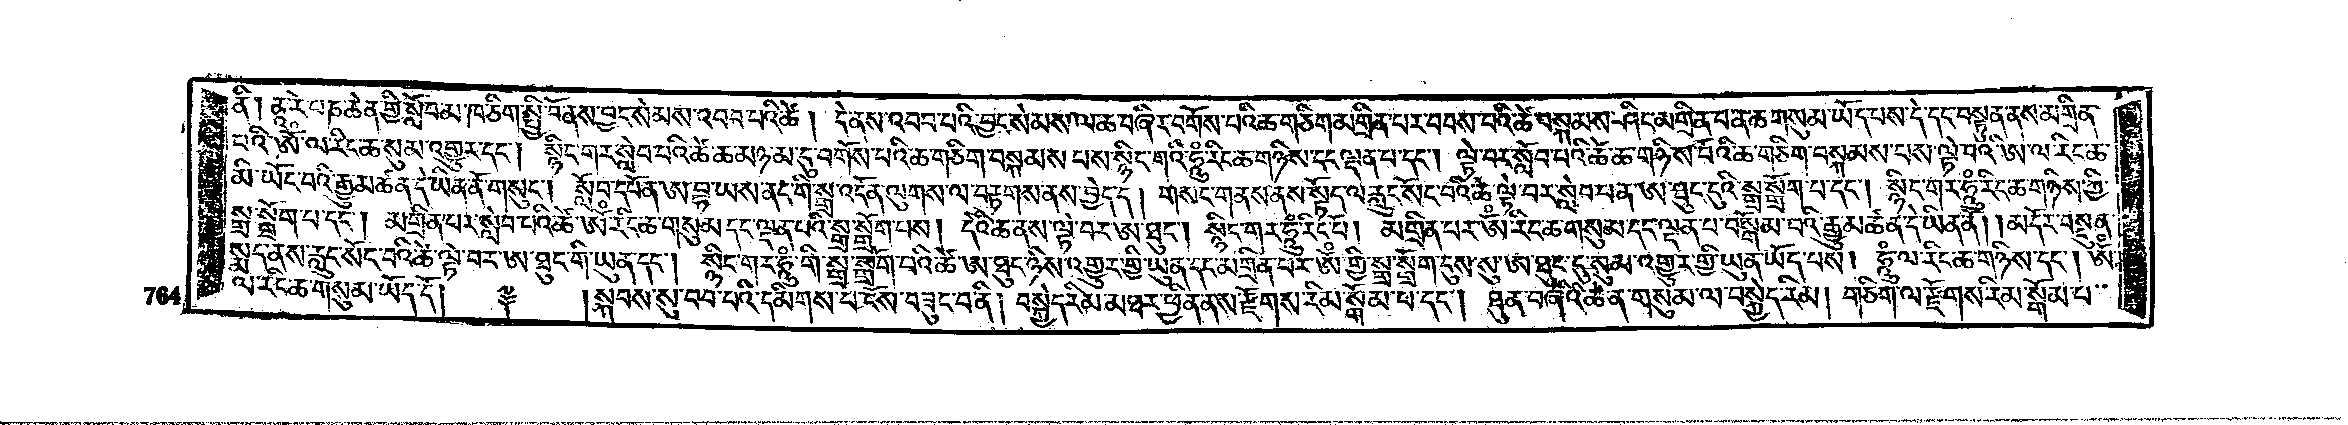ནི། ནཱ་རེ་པཎ་ཆེན་གྱི་སློབ་མ་ཁ་ཅིག་སྤྱི་བོ་ནས་བྱང་སེམས་འབབ་པའི་ཚེ། དེ་ནས་འབབ་པའི་བྱང་སེམས་ལ་ཆ་བཞིར་བགོས་པའི་ཆ་གཅིག་མགྲིན་པར་བབས་པའི་ཚེ་བསྐམས་ཤིང་མགྲིན་པ་ན་ཆ་གསུམ་ཡོད་པས་དེ་དང་བསྟུན་ནས་མགྲིན་
པའི་ཨོཾ་ལ་རིང་ཆ་སུམ་འགྱུར་དང་། སྙིང་གར་སླེབ་པའི་ཚེ་ཆ་མཉམ་དུ་བགོས་པའི་ཆ་གཅིག་བསྐམས་པས་སྙིང་གའི་ཧཱུཾ་རིང་ཆ་གཉིས་དང་ལྡན་པ་དང་། ལྟེ་བར་སླེབ་པའི་ཚེ་ཆ་གཉིས་པོའི་ཆ་གཅིག་བསྐམས་པས་ལྟེ་བའི་ཨ་ལ་རིང་ཆ་
མི་ཡོང་བའི་རྒྱུ་མཚན་དེ་ཡིན་ནོ་གསུང་། སློབ་དཔོན་ཨ་བྷ་ཡས་ནང་གི་སྒྲ་འདོན་ལུགས་ལ་བརྟགས་ནས་བྱེད་དོ། གསང་གནས་ནས་སྟོད་ལ་རླུང་སོང་བའི་ཆེ་ལྟེ་བར་སླེབ་པ་ན་ཨ་ཐུང་དུའི་སྒྲ་སྒྲོག་པ་དང་། སྙིང་གར་ཧཱུཾ་རིང་ཆ་གཉིས་ཀྱི་
སྒྲ་སྒྲོག་པ་དང་། མགྲིན་པར་སླེབ་པའི་ཚེ་ཨོཾ་རིང་ཆ་གསུམ་དང་ལྡན་པའི་སྒྲ་སྒྲོག་པས། དེའི་ཆ་ནས་ལྟེ་བར་ཨ་ཐུང་། སྙིང་གར་ཧཱུཾ་རིང་པོ། མགྲིན་པར་ཨོཾ་རིང་ཆ་གསུམ་དང་ལྡན་པ་བསྒོམ་པའི་རྒྱུ་མཚན་དེ་ཡིན་ནོ། །མདོར་བསྡུ་ན་
སྨད་ནས་རླུང་སོང་བའི་ཚེ་ལྟེ་བར་ཨ་ཐུང་གི་ཡུན་དང་། སྙིང་གར་ཧཱུཾ་གི་སྒྲ་སྒྲོག་པའི་ཚེ་ཨ་ཐུང་ཉིས་འགྱུར་གྱི་ཡུན་དང་མགྲིན་པར་ཨོཾ་གྱི་སྒྲ་སྒྲོག་དུས་སུ་ཨ་ཐུང་དུ་སུམ་འགྱུར་གྱི་ཡུན་ཡོད་པས། ཧཱུཾ་ལ་རིང་ཆ་གཉིས་དང་། ཨོཾ་
ལ་རིང་ཆ་གསུམ་ཡོད་དོ། ༈ །སྐབས་སུ་བབ་པའི་དམིགས་པ་ངོས་བཟུང་བ་ནི། བསྐྱེད་རིམ་མཐར་ཕྱིན་ནས་རྫོགས་རིམ་སྒོམ་པ་དང་། ཐུན་བཞིའི་ཚེ་ན་གསུམ་ལ་བསྐྱེད་རིམ། གཅིག་ལ་རྫོགས་རིམ་སྒོམ་པ་